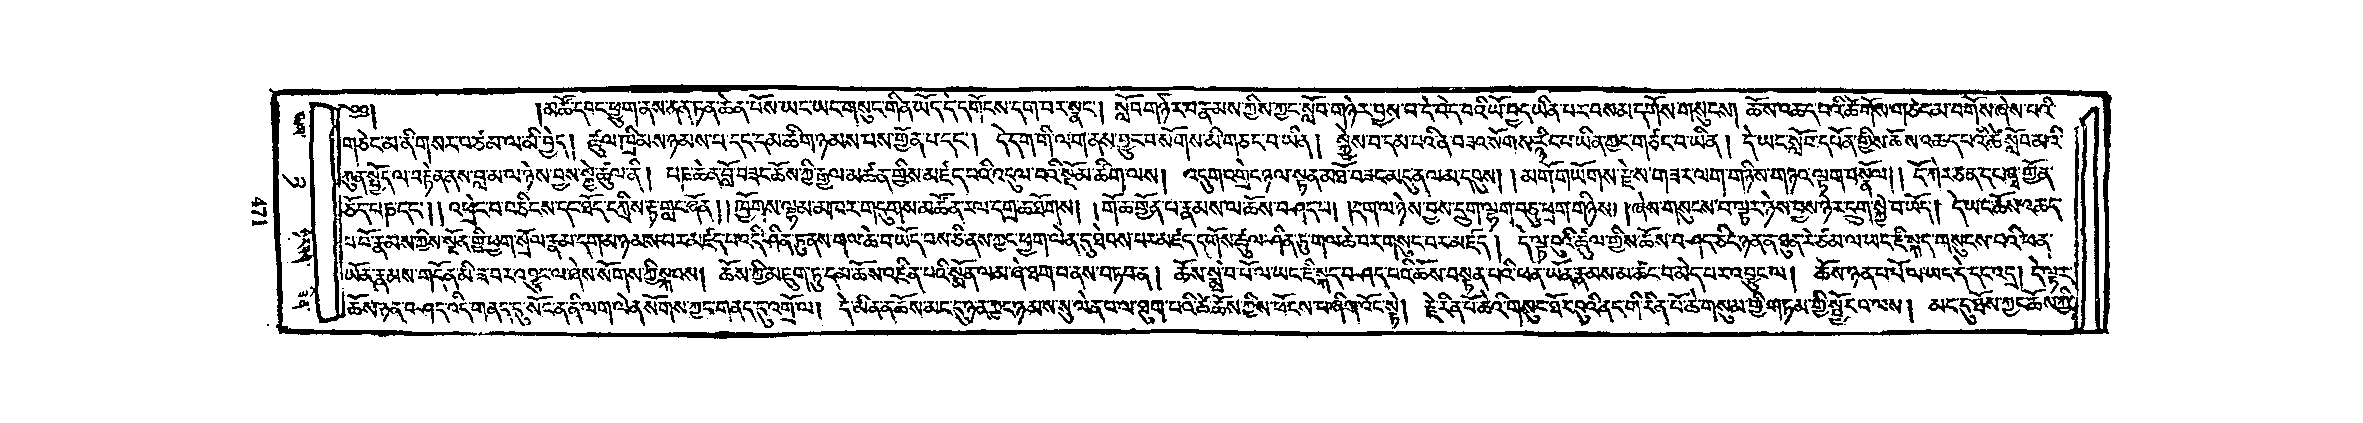༄༅། །མཚོ་དབང་ཕྱུག་ནས་ནན་ཏན་ཆེན་པོས་ཡང་ཡང་གསུང་གིན་ཡོད་དེ་དགོངས་དག་པར་སྣང་། སློབ་གཉེར་བ་རྣམས་ཀྱིས་ཀྱང་སློབ་གཉེར་བྱས་པ་དེ་བདེ་བའི་ཡོ་བྱད་ཡིན་པར་བསམ་དགོས་གསུངས། ཆོས་འཆད་པའི་ཚེ་གོས་གཙང་མ་བགོས་ཞེས་པའི་
གཅེང་མ་ནི་གསར་པ་ཙམ་ལ་མི་བྱེད། ཚུལ་ཁྲིམས་ཉམས་པ་དང་དམ་ཚིག་ཉམས་པས་གྱོན་པ་དང་། དེ་དག་གི་ལག་ནས་བྱུང་བ་སོགས་མི་གཙང་བ་ཡིན། སྐྱེས་བ་དམ་པའི་ན་བཟའ་སོགས་རྙིང་པ་ཡིན་ཀྱང་གཙང་བ་ཡིན། དེ་ཡང་སློབ་དཔོན་གྱིས་ཆོས་འཆད་པའི་ཚེ་སློབ་མའི་
ཀུན་སྤྱོད་ལ་བརྟེན་ནས་བླ་མ་ལ་ཉེས་བྱས་སྐྱེ་ཚུལ་ནི། པཎ་ཆེན་བློ་བཟང་ཆོས་ཀྱི་རྒྱལ་མཚན་གྱིས་མཛད་པའི་འདུལ་བའི་སྡོམ་ཚིག་ལས། འདུག་འགྲེང་ཉལ་སྟན་མཐོ་བཟང་མདུན་ལམ་དབུས། །མགོ་གཡོགས་རྫེས་གཟར་ལག་གཉིས་གཉའ་ལྟག་བསྣོལ། །དོ་ཀེར་ཅན་དང་ཞྭ་གྱོན་
ཅོད་པཎ་དང་། །འཕྲེང་བ་བཅིངས་དང་ཐོད་དཀྲིས་རྟ་གླང་ཞོན། །ཁྱོགས་ལྷམ་མཁར་གདུགས་མཚོན་རལ་དགྲ་ཆ་ཐོགས། །གོ་ཆ་གྱོན་པ་རྣམས་ལ་ཆོས་བཤད་པ། །དག་ལ་ཉེས་བྱས་དྲུག་ལྷག་བཅུ་ཕྲག་གཉིས། །ཞེས་གསུངས་པ་ལྟར་ཉེས་བྱས་ཉེར་དྲུག་སྐྱེ་བ་ཡོད། དེ་ཡང་ཆོས་འཆད་
པ་བོ་རྣམས་ཀྱིས་སྔོན་གྱི་ཕྱག་སྲོལ་རྣམ་དག་མཉམས་པར་མཛད་པ་འདི་ཤིན་ཏུ་ནས་གལ་ཆེ་བ་ཡོད་བས་ཅི་ནས་ཀྱང་ཕྱག་ལེན་དུ་ཐེབས་པར་མཛད་དགོས་ཚུལ་ཤིན་ཏུ་གལ་ཆེ་བར་གསུང་བར་མཛད། དེ་ལྟ་བུའི་ཚུལ་གྱིས་ཆོས་བཤད་ཅིང་ཉན་ན་ཐུན་རེ་ཙམ་ལ་ཡང་ཇི་སྐད་གསུངས་བའི་ཕན་
ཡོན་རྣམས་གདོན་མི་ཟ་བར་འབྱུང་ལ་ཞེས་སོགས་ཀྱི་སྐབས། ཆོས་ཀྱི་མཇུག་ཏུ་དམ་ཆོས་འཛིན་པའི་སྨོན་ལམ་ཞེ་ཐག་པ་ནས་བཏབ་ན། ཆོས་སྨྲེ་བ་པོ་ལ་ཡང་ཇི་སྐད་བཤད་པའི་ཆོས་བསྟན་པའི་ཕན་ཡོན་རྣམས་མ་ཚང་བ་མེད་པར་འབྱུང་ལ། ཆོས་ཉན་པ་པོ་ལ་ཡང་དེ་དང་འདྲ། དེ་ལྟར་
ཆོས་ཉན་བཤད་འདི་གནད་དུ་སོང་ན་ནི་ལག་ལེན་སོགས་ཀྱང་གནད་དུ་འགྲོ་ལ། དེ་མིན་ན་ཆོས་མང་དུ་ཉན་ཀྱང་ཉམས་སུ་ལེན་པ་ལ་ཐུག་པའི་ཚེ་ཆོས་ཀྱིས་ཕོངས་པ་ཞིག་འོང་སྟེ། རྗེ་རིན་པོ་ཆེའི་གསུང་ཐོར་བུའི་ནང་གི་རིན་པོ་ཆེ་གསུམ་གྱི་གཏམ་གྱི་སྦྱོང་བ་ལས། མང་དུ་ཐོས་ཀྱང་ཆོས་ཀྱི་